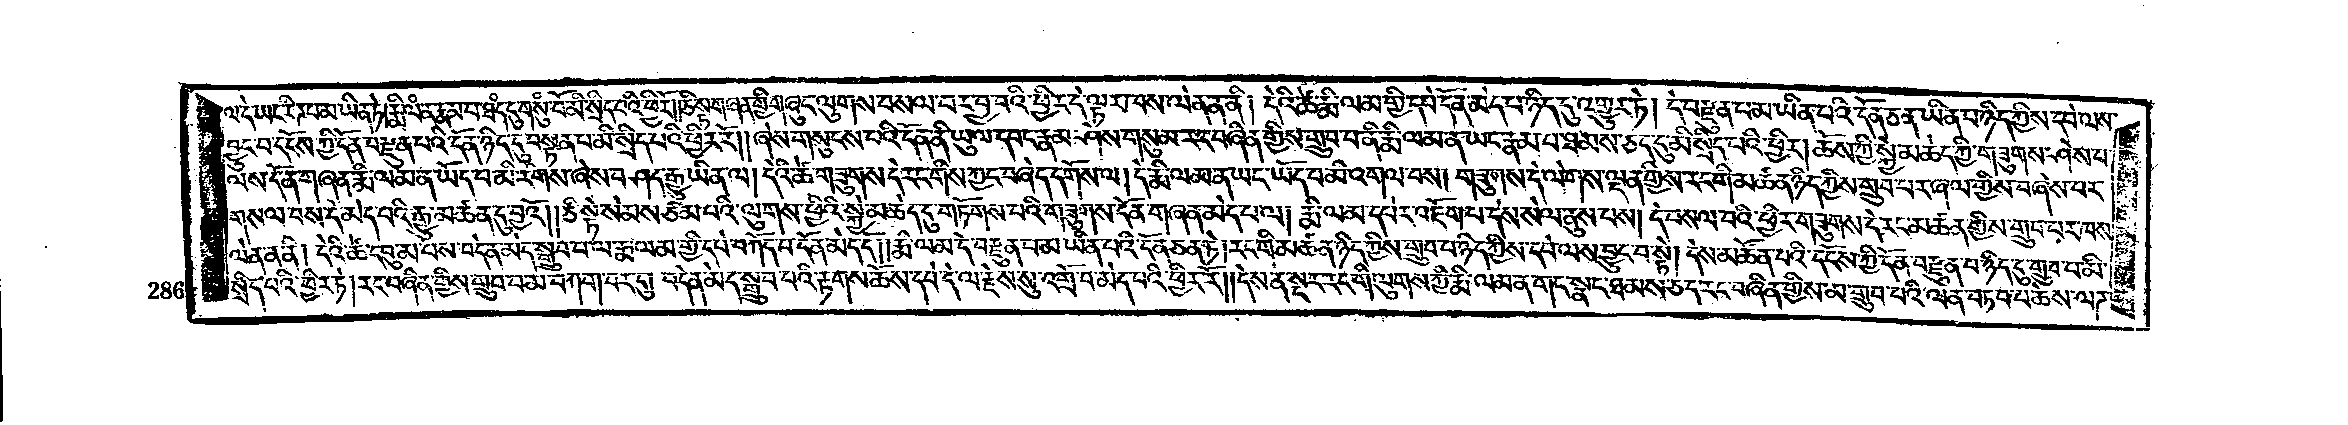ལ་དེ་ཡང་རིགས་པ་མ་ཡིན་ཏེ། རྨི་ལམ་ན་རྣམ་པ་ཐམས་ཅད་དུ་གསུམ་པོ་མི་སྲིད་པའི་ཕྱིར་རོ། །ཅི་སྟེ་གཞན་གྱི་གཞུང་ལུགས་བསལ་བར་བྱ་བའི་ཕྱིར་དེ་ལྟར་ཁས་ལེན་ན་ནི། དེའི་ཚེ་རྨི་ལམ་གྱི་དཔེ་དོན་མེད་པ་ཉིད་དུ་འགྱུར་ཏེ། དེ་བརྫུན་པ་མ་ཡིན་པའི་དོན་ཅན་ཡིན་པ་ཉིད་ཀྱིས་དཔེ་ལས་
བྱུང་བ་དངོས་ཀྱི་དོན་བརྫུན་པའི་དོན་ཉིད་དུ་བསྟན་པ་མི་སྲིད་པའི་ཕྱིར་རོ། །ཞེས་གསུངས་པའི་དོན་ནི་ཡུལ་དབང་རྣམ་ཤེས་གསུམ་རང་བཞིན་གྱིས་གྲུབ་པ་ནི་རྨི་ལམ་ན་ཡང་རྣམ་པ་ཐམས་ཅད་དུ་མི་སྲིད་པའི་ཕྱིར། ཆོས་ཀྱི་སྐྱེ་མཆེད་ཀྱི་གཟུགས་ཤེས་པ་
ལས་དོན་གཞན་རྨི་ལམ་ན་ཡོད་པ་མི་རིགས་ཞེས་བཤད་རྒྱུ་ཡིན་ལ། དེའི་ཚེ་གཟུགས་དེ་རང་གིས་ཀྱང་བཞེད་དགོས་ལ། དེ་རྨི་ལམ་ན་ཡང་ཡོད་པ་མི་འགལ་བས། གཟུགས་དེ་ལེགས་ལྡན་གྱིས་རང་གི་མཚན་ཉིད་ཀྱིས་གྲུབ་པར་ཞལ་གྱིས་བཞེས་བར་
གསལ་བས་དེ་མེད་པའི་རྒྱུ་མཚན་དུ་བྱའོ། །ཅི་སྟེ་སེམས་ཙམ་པའི་ལུགས་ཕྱིའི་སྐྱེ་མཆེད་དུ་གཏོགས་པའི་གཟུགས་དོན་གཞན་མེད་པ་ལ། རྨི་ལམ་དཔེར་འཇོག་པ་དེས་སེལ་ནུས་པས། དེ་བསལ་བའི་ཕྱིར་གཟུགས་དེ་རང་མཚན་གྱིས་གྲུབ་པར་ཁས་
ལེན་ན་ནི། དེའི་ཚེ་དབུ་མ་པས་བདེན་མེད་སྒྲུབ་པ་ལ་རྨི་ལམ་གྱི་དཔེ་བཀོད་པ་དོན་མེད་དོ། །རྨི་ལམ་དེ་བརྫུན་པ་མ་ཡིན་པའི་དོན་ཅན་ཏེ། རང་གི་མཚན་ཉིད་ཀྱིས་གྲུབ་པ་ཉིད་ཀྱིས་དཔེ་ལས་བྱུང་བ་སྟེ། དེས་མཚོན་བའི་དངོས་ཀྱི་དོན་བརྫུན་པ་ཉིད་དུ་གྲུབ་པ་མི་
སྲིད་པའི་ཕྱིར་ཏེ། རང་བཞིན་གྱིས་གྲུབ་པ་མ་བཀག་བར་དུ། བདེན་མེད་སྒྲུབ་པའི་རྟགས་ཆོས་དཔེ་དེ་ལ་རྗེས་སུ་འགྲོ་བ་མེད་པའི་ཕྱིར་རོ། །དེས་ན་སྔར་རང་གི་ལུགས་ཀྱི་རྨི་ལམ་ན་གང་སྣང་ཐམས་ཅད་རང་བཞིན་གྱིས་མ་གྲུབ་པའི་ལན་བཏབ་པ་ཆེས་ལེགས་